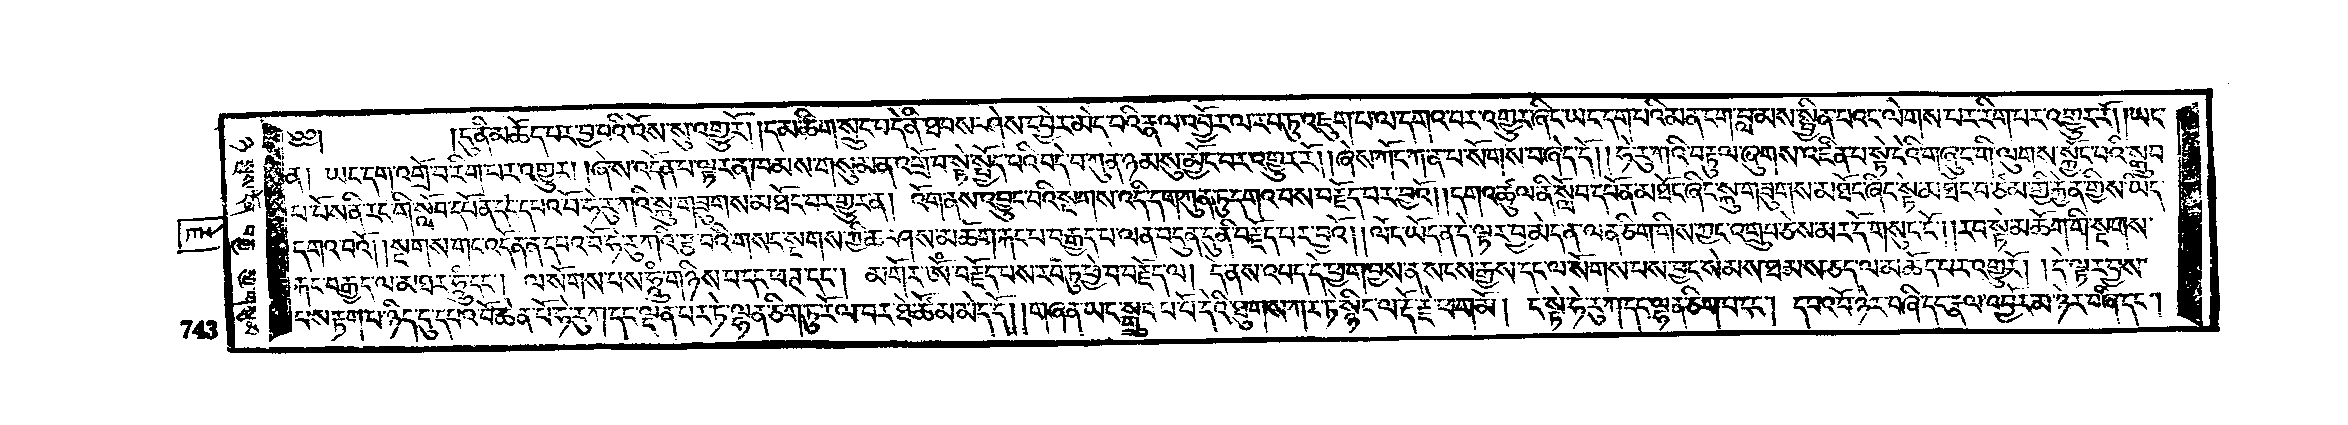༄༅། །དུ་ནི་མཆོད་པར་བྱ་བའི་འོས་སུ་འགྱུར་རོ། །དམ་ཚིག་སྲུང་བ་དེ་ནི་ཐབས་ཤེས་དབྱེར་མེད་པའི་རྣལ་འབྱོར་ལ་རབ་ཏུ་འཇུག་པ་ལ་དགའ་བར་འགྱུར་ཞིང་ཡང་དག་པའི་མན་ངག་བླ་མས་སྦྱིན་པའང་ལེགས་པར་རིག་པར་འགྱུར་རོ། །ཡང་
ན། ཡང་དག་འགྲོ་བ་རིག་པར་འགྱུར། །ཞེས་འདོན་པ་ལྟར་ན་ཁམས་གསུམ་ན་འགྲོ་བ་སྟེ་སྤྱོད་པའི་བདེ་བ་ཀུན་ཉམས་སུ་མྱོང་བར་འགྱུར་རོ། །ཞེས་ཀོང་ཀ་ན་པ་སོགས་བཞེད་དོ། །ཧེ་རུ་ཀའི་བརྟུལ་ཞུགས་འཛིན་པ་སྟེ་དེའི་གཞུང་གི་ལུགས་སྐྱོང་བའི་སྒྲུབ་
པ་པོས་ནི་རང་གི་སློབ་དཔོན་དང་དཔའ་བོ་ཧེ་རུ་ཀའི་སྐུ་གཟུགས་མཐོང་བར་གྱུར་ན། འོག་ནས་འབྱུང་བའི་སྔགས་འདི་དག་ཀུན་ཏུ་དགའ་བས་བརྗོད་པར་བྱའོ། །དགའ་ཚུལ་ནི་སློབ་དཔོན་མཐོང་ཞིང་སྐུ་གཟུགས་མཐོང་ཞིང་སྟེ་མཐོང་བ་ཙམ་གྱི་རྐྱེན་གྱིས་ཡིད་
དགའ་བའོ། །སྔགས་གང་འདོན་ན་དཔའ་བོ་ཧེ་རུ་ཀའི་རྩ་བའི་གསང་སྔགས་ཀྱི་ཆ་ཤས་མཆོག་རྐང་པ་བརྒྱད་པ་ལན་བདུན་དུ་ནི་བརྗོད་པར་བྱའོ། །ལོང་ཡོད་ན་དེ་ལྟར་བྱ་མེད་ན་ལན་ཅིག་གིས་ཀྱང་འགྲུབ་ཅེས་མར་དོ་གསུང་ངོ། །རབ་སྟེ་མཆོག་གི་སྔགས་
རྐང་བརྒྱད་ལ་མཐར་ཧཱུཾ་དང་། ལ་སོགས་པས་ཧཱུཾ་གཉིས་པ་དང་ཕཊ་དང་། མགོར་ཨོཾ་བརྗོད་པས་རབ་ཏུ་ཕྱེ་བ་བརྗོད་ལ། དེ་ནས་འབད་དེ་ཕྱག་བྱས་ན་སངས་རྒྱས་དང་ལ་སོགས་པས་བྱང་སེམས་ཐམས་ཅད་ལ་མཆོད་པར་འགྱུར་རོ། །དེ་ལྟར་བྱས་
པས་རྟག་པ་ཉིད་དུ་དཔའ་བོ་ཆེན་པོ་ཧེ་རུ་ཀ་དང་ལྡན་པར་ཏེ་ལྷན་ཅིག་ཏུ་རོལ་བར་ཐེ་ཚོམ་མེད་དོ། །གཞན་ཡང་སྒྲུབ་པ་པོ་དེའི་ཐུགས་ཀར་ཏེ་སྙིང་ལ་རྡོ་རྗེ་ཕག་མོ། ང་སྟེ་ཧེ་རུ་ཀ་དང་ལྷན་ཅིག་པ་དང་། དཔའ་བོ་ཉེར་བཞི་དང་རྣལ་འབྱོར་མ་ཉེར་བཞི་དང་།